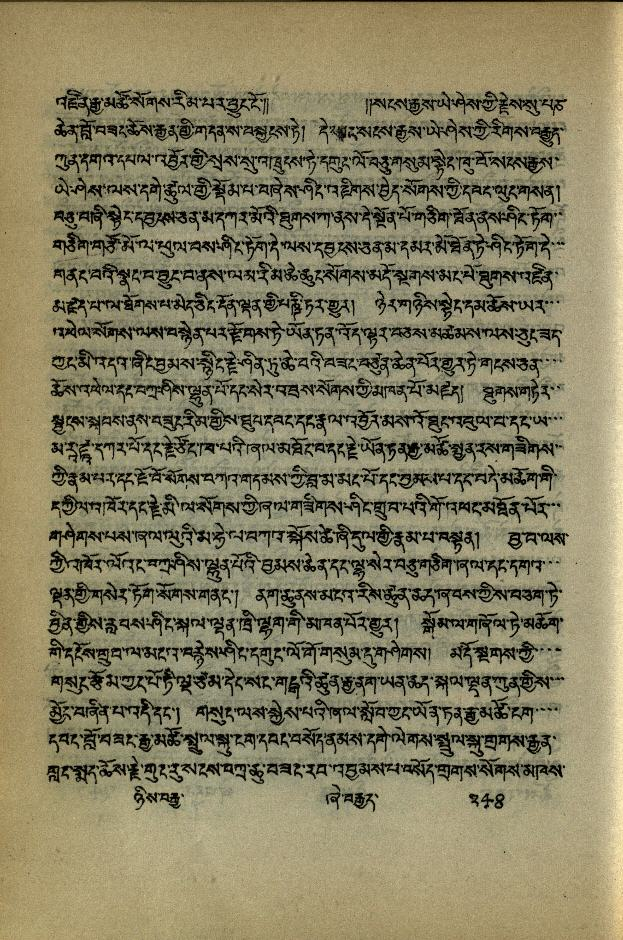འཛིན་རྒྱ་མཚོ་སོགས་རིམ་པར་བྱུང་ངོ།། །།སངས་རྒྱས་ཡེ་ཤེས་ཀྱི་རྗེས་སུ་པཎ་
ཆེན་བློ་བཟང་ཆོས་རྒྱན་གྱི་གདན་ས་བསྐྱངས་ཏེ། དེ་ཡང་སངས་རྒྱས་ཡེ་ཤེས་ཀྱི་རིགས་བརྒྱུད་
ཀུན་དགའ་དཔལ་འབྱོར་གྱི་སྲས་སུ་འཁྲུངས་ཏེ་དགུང་ལོ་བཅུ་གསུམ་སྟེང་ཁུ་བོ་སངས་རྒྱས་
ཡེ་ཤེས་ལས་དགེ་ཚུལ་གྱི་སྡོམ་པ་བཞེས་ཤིང་འཇིགས་བྱེད་སོགས་ཀྱི་དབང་ལུང་གསན།
བཅུ་བཞི་སྟེང་དབྱངས་ཅན་མ་དཀར་མོའི་ཐུགས་ཀ་ནས་དེ་སྔོན་པོ་གཅིག་ཐོན་ནས་ཤིང་ཏོག་
གཅིག་གཙོ་མོ་ལ་ཕུལ་བས་ཤིང་ཏོག་དེ་ལས་དབྱངས་ཅན་མ་དམར་མོ་ཐོན་ཏེ་ཤིང་ཏོག་དེ་
གནང་བའི་སྣང་བ་བྱུང་བ་ནས་ལམ་རིམ་ཆེ་ཆུང་སོགས་མདོ་སྔགས་མང་པོ་ཐུགས་འཛིན་
མཛད་པ་ལ་ཐོགས་པ་མེད་ཅིང་དོན་ལྡན་གྱི་པཎྜི་ཏར་གྱུར། ཉེར་གཉིས་སྟེང་དམ་ཆོས་ཡར་
འཕེལ་སོགས་ལས་བསྙེན་པར་རྫོགས་ཏེ་ཡོན་ཏན་འོད་ལྟར་བཅས་མཚམས་ལས་ཅུང་ཟད་
ཀྱང་མི་འདའ་ཞིང་བྱམས་སྙིང་རྗེ་ཤིན་ཏུ་ཆེ་བའི་བཟང་བཙུན་ཆེན་པོར་གྱུར་ཏེ་གངས་ཅན་
ཆོས་འཕེལ་དང་བཀྲ་ཤིས་ལྷུན་པོ་དང་སེར་འབྲས་སོགས་ཀྱི་མཁན་པོ་མཛད། ཐུགས་གཏེར་
སྦྱངས་སྐབས་ནས་བཟུང་རིམ་གྱིས་ཐུབ་དབང་དང་རྣལ་འབྱོར་མས་འོ་ཐུང་འབུལ་བ་དང་ཡ་
མ་རཱ་ཛཱ་དཀར་པོ་དང་རྗེ་ཙོང་ཁ་བའི་ཞལ་མཐོང་བ་དང་རྗེ་ཡོན་ཏན་རྒྱ་མཚོ་སྤྱན་རས་གཟིགས་
ཀྱི་རྣམ་པར་དང་ཇོ་བོ་སོགས་བཀའ་གདམས་ཀྱི་བླ་མ་མང་པོ་དང་བྱམས་པ་དང་བདེ་མཆོག་གི་
དཀྱིལ་འཁོར་དང་རྗེ་མི་ལ་སོགས་ཀྱི་ཞལ་གཟིགས་ཤིང་གྲུབ་པའི་གོ་འཕང་མཐོན་པོར་
གཤེགས་པས་ཞལ་ལུའི་མ་ཧེ་ལ་བཀའ་སྐོས་ཚེ་ཞི་དུལ་གྱི་རྣམ་པ་བསྟན། བྱ་བ་ལས་
ཀྱི་འཁོར་ལོའང་བཀྲ་ཤིས་ལྷུན་པོའི་བྱམས་ཆེན་དང་ལྷ་སེར་བཅུ་གཅིག་ཞལ་དང་དགའ་
ལྡན་གྱི་གསེར་ཏོག་སོགས་གནང་། ནག་ཆུ་ནས་མངའ་རིས་ཚུན་ཆད་ཞབས་ཀྱིས་བཅག་ཏེ་
བྱིན་གྱིས་རླབས་ཤིང་སྐལ་ལྡན་ཁྲི་ལྷག་གི་མཁན་པོར་གྱུར། སྒོམ་ལ་གཞོལ་ཏེ་མཆོག་
གི་དངོས་གྲུབ་ལ་མངའ་བརྙེས་ཤིང་དགུང་ལོ་གོ་གསུམ་དུ་གཤེགས། མདོ་སྔགས་ཀྱི་
གསུང་རྩོམ་ཀྱང་པོ་ཏི་ལྔ་ཙམ་དེང་སང་གངྒའི་ཚུན་རྒྱ་ནག་ཡན་ཆད་སྐལ་ལྡན་ཀུན་གྱིས་
མྱོང་བཞིན་པ་འདི་དང་། གསུང་ལས་སྐྱེས་པའི་ཞལ་སློབ་ཀྱང་ཡོན་ཏན་རྒྱ་མཚོ་ངག་
དབང་བློ་བཟང་རྒྱ་མཚོ་སྤྲུལ་སྐུ་ངག་དབང་བསོད་ནམས་དགེ་ལེགས་སྤྲུལ་སྐུ་གྲགས་རྒྱན་
གླང་སྨད་ཆོས་རྗེ་གུང་རུ་སངས་བཀྲ་ཆུ་བཟང་རབ་འབྱམས་པ་བསོད་གྲགས་སོགས་མཁས་